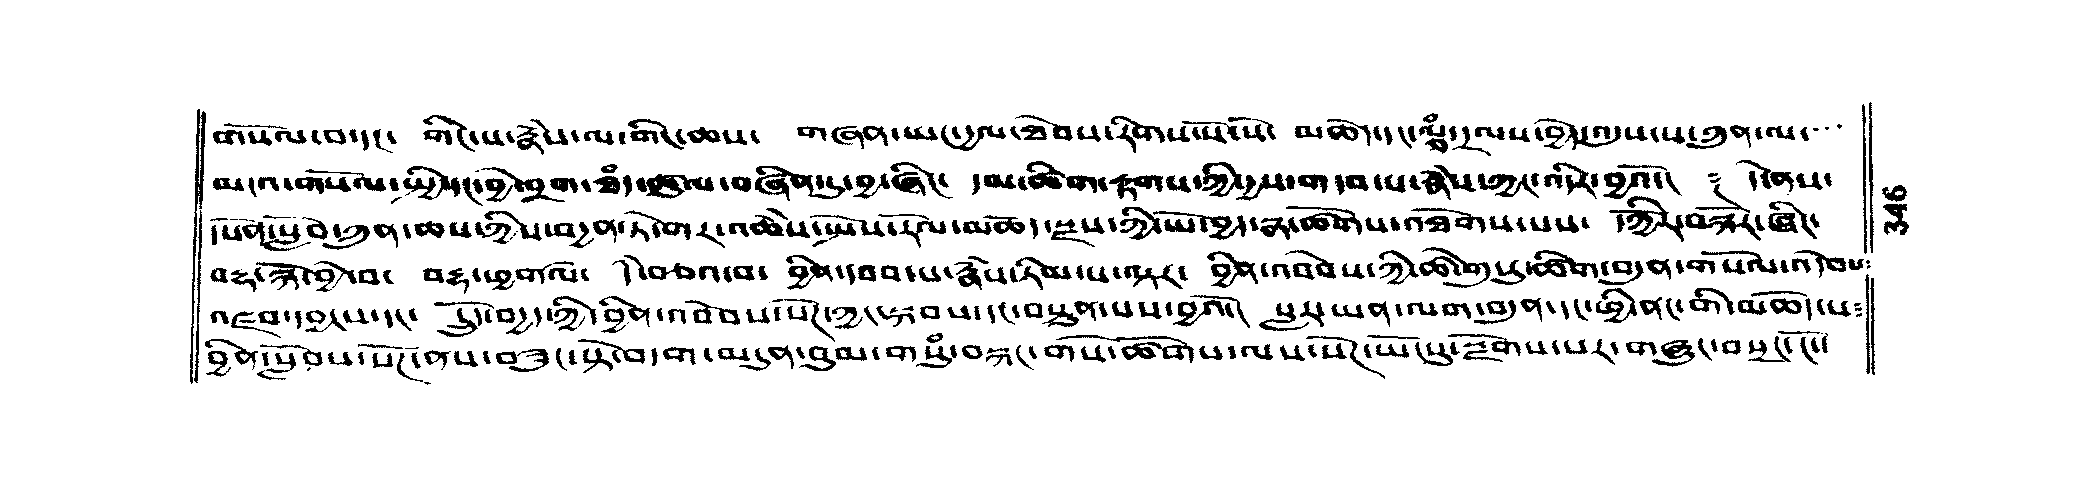གསོལ་བ་དང་། གིང་པ་རྣམས་ལ་གིང་ཆས། གཞན་ཡང་རྒྱལ་ཐེབས་རིགས་སོ་སོ་མཆེད་ལྕམ་དྲལ་ལས་བྱེད་འདུས་པ་ཀུན་ལ་
མངའ་གསོལ་སྤྱི་དང་བྱེ་བྲག་ཐམས་ཅད་ཚུལ་བཞིན་བྱ་ཞིང་། དམ་ཚིག་རྟགས་ཀྱི་རྒྱས་གདབ་པ་རྣམས་ཀྱང་འདིར་བྱའོ། ༈ དེ་ནས་
དཔོན་སློབ་ཀུན་ཆས་ཀྱིས་བརྒྱན་ཏེ་གར་འཆམས་སྤོས་རོལ་མཆོད་རྫས་ཀྱི་ཡོ་བྱད་སྣ་ཚོགས་འཐོགས་པས། དཀྱིལ་འཁོར་བསྐོར་ཞིང་
བརྡ་སྒོ་དབྱེ་བ། བརྡ་ཕྱག་འཚལ།་དམ་བཅའ་བ་བྱིན་དབབ་པ་རྣམས་རི་མ་པ་ལྟར། བྱིན་འབེབས་ཀྱི་ཚེ་གུ་རུ་ཚིག་བདུན་གསོལ་འདེབས་
འཇབ་དབྱངས་དང་། དུར་ཁྲོད་བརྒྱད་ཀྱི་བྱིན་འབེབས་སོགས་ཀྱང་སྐབས་དང་བསྟུན་པས་བྱའོ། སླར་ཡན་ལག་བདུན་དང་ཕྱི་ནང་གི་མཆོད་པ་
བྱིན་རླབས་སོགས་ནས་བཟུང་སྟེ་བདག་མདུན་བུམ་གསུམ་བསྐང་གསོ་ཚོགས་ལས་སོགས་ཡོངས་སུ་རྫོགས་པར་གཞུང་བསྲང་ངོ་།